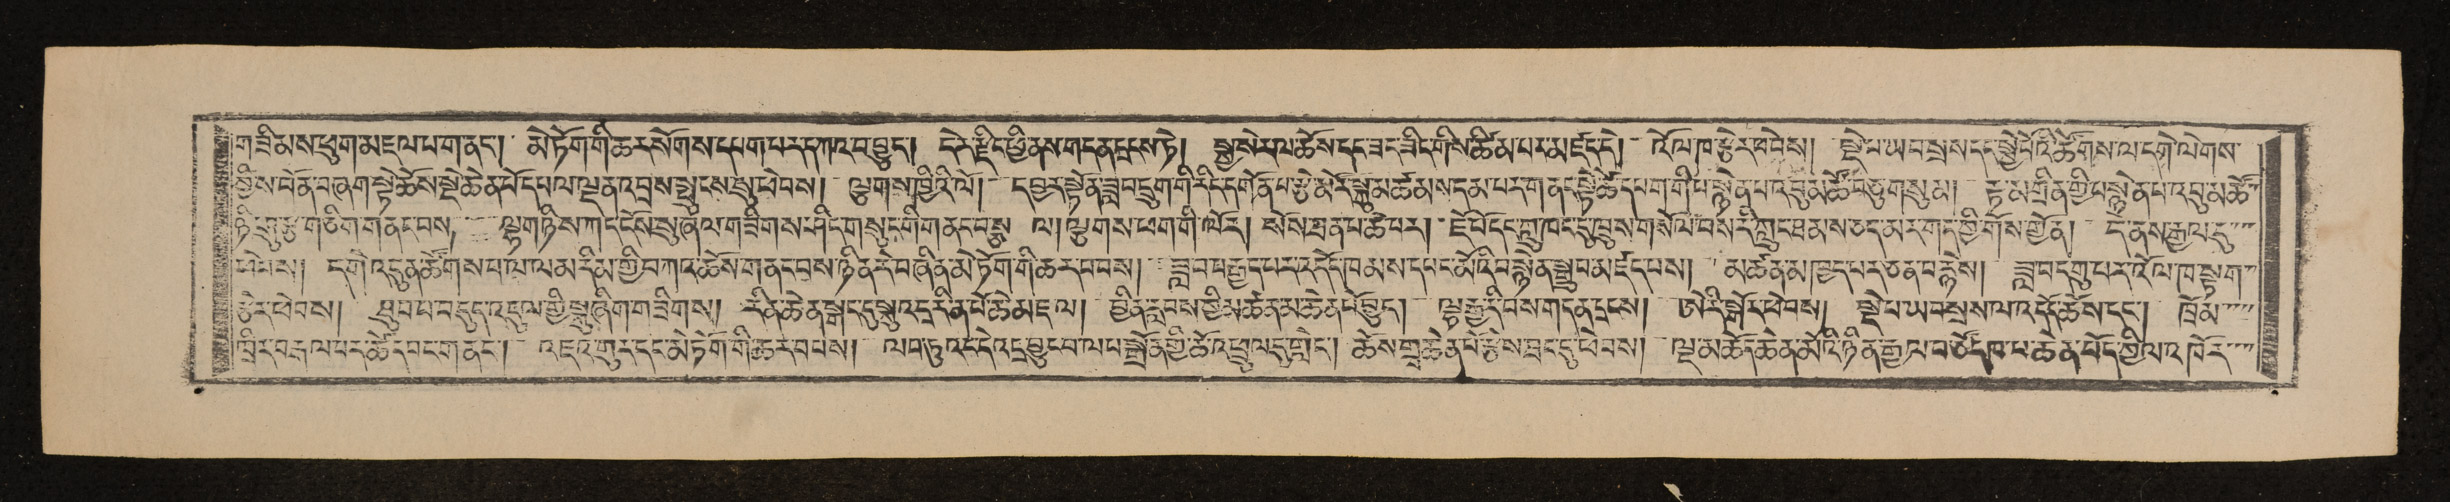གཟིམས་ཕུག་མཇལ་པ་གནང་། མེ་ཏོག་གི་ཆར་སོགས་དཔག་པར་དཀའ་བ་བྱུང་། དེར་རྫིང་ཕྱི་ནས་གདན་དྲངས་ཏེ། སྐྱ་སེར་ལ་ཆོས་དང་ཟང་ཟིང་གིས་ཚིམ་པར་མཛད་དེ། འོལ་ཁ་རྩེར་ཕེབས། སྡེ་པ་ཡབ་སྲས་དང་སྐྱེ་བོའི་ཚོགས་ལ་དགེ་ལེགས་
ཀྱི་ས་བོན་བཞག་སྟེ་ཆོས་སྡེ་ཆེན་པོ་དཔལ་ལྡན་འབྲས་སྤུངས་སུ་ཕེབས། ལྕགས་ཁྱིའི་ལོ། དབྱར་སྟོན་ཟླ་བ་དྲུག་གི་རིང་དགོན་པ་རྩེ་མོར་སྐུ་མཚམས་དམ་པར་གནང་སྟེ་ཚེ་དཔག་གི་བསྙེན་པ་འབུམ་ཚོ་བཅུ་གསུམ། རྟ་མགྲིན་གྱི་བསྙེན་པ་འབུམ་ཚོ་
ཉི་ཤུ་རྩ་གཅིག་གནང་བས། ལྷ་གཉིས་ཀ་དངོས་སུ་ཞལ་གཟིགས་ཤིང་གསུང་གི་གནང་བ་སྩལ། ལྕགས་ཕག་གི་ལོར། སོས་ཐན་པ་ཆེ་བར། ཇོ་བོ་དང་ཀླུ་ཁང་དུ་ཁྲུས་གསོལ་བས་རི་ཀླུང་ཐམས་ཅད་མར་གད་ཀྱི་གོས་གྱོན། དེ་ནས་རྒྱལ་དུ་
ཕེབས། དགེ་འདུན་ཚོགས་པ་ལ་ལམ་རིམ་གྱི་བཀའ་ཆོས་གནང་བས་ཉིན་རེ་བཞིན་མེ་ཏོག་གི་ཆར་བབས། ཟླ་བ་བརྒྱད་པར་འདོད་ཁམས་དབང་མོའི་བསྙེན་སྒྲུབ་མཛད་པས། མཚན་མ་ཁྱད་པར་ཅན་བརྙེས། ཟླ་བ་དགུ་པར་འོལ་ཁ་སྟག་
རྩེར་ཕེབས། ཐུབ་པ་བདུད་འདུལ་གྱི་སྐུ་ཞིག་གཟིགས། རིན་ཆེན་སྒང་དུ་སྐུ་འདྲ་རིན་པོ་ཆེ་མཇལ། བྱིན་རླབས་ཀྱི་མཚན་མ་ཆེན་པོ་བྱུང་། ལྷ་རྒྱ་རིབས་གདན་དྲངས། ཨེ་རི་སྒོར་ཕེབས། སྡེ་པ་ཡབ་སྲས་ལ་འདོད་ཆོས་དང་། ཁྲོམ་
ཁྲིར་བརྒལ་བར་ཚེ་དབང་གནང་། འཇའ་གུར་དང་མེ་ཏོག་གི་ཆར་བབས། ལབ་ཏུའང་དེ་འདྲ་བྱུང་བ་ལབ་སྒྲོན་གྱི་ཆོ་འཕྲུལ་དུ་གླེང་། ཆོས་གྲྭ་ཆེན་པོ་རྩེས་ཐང་དུ་ཕེབས། ལྔ་མཆོད་ཆེན་མོའི་ཉིན་རྒྱལ་བ་ཙོང་ཁ་པ་ཆེན་པོ་དཀྱིལ་འཁོར་